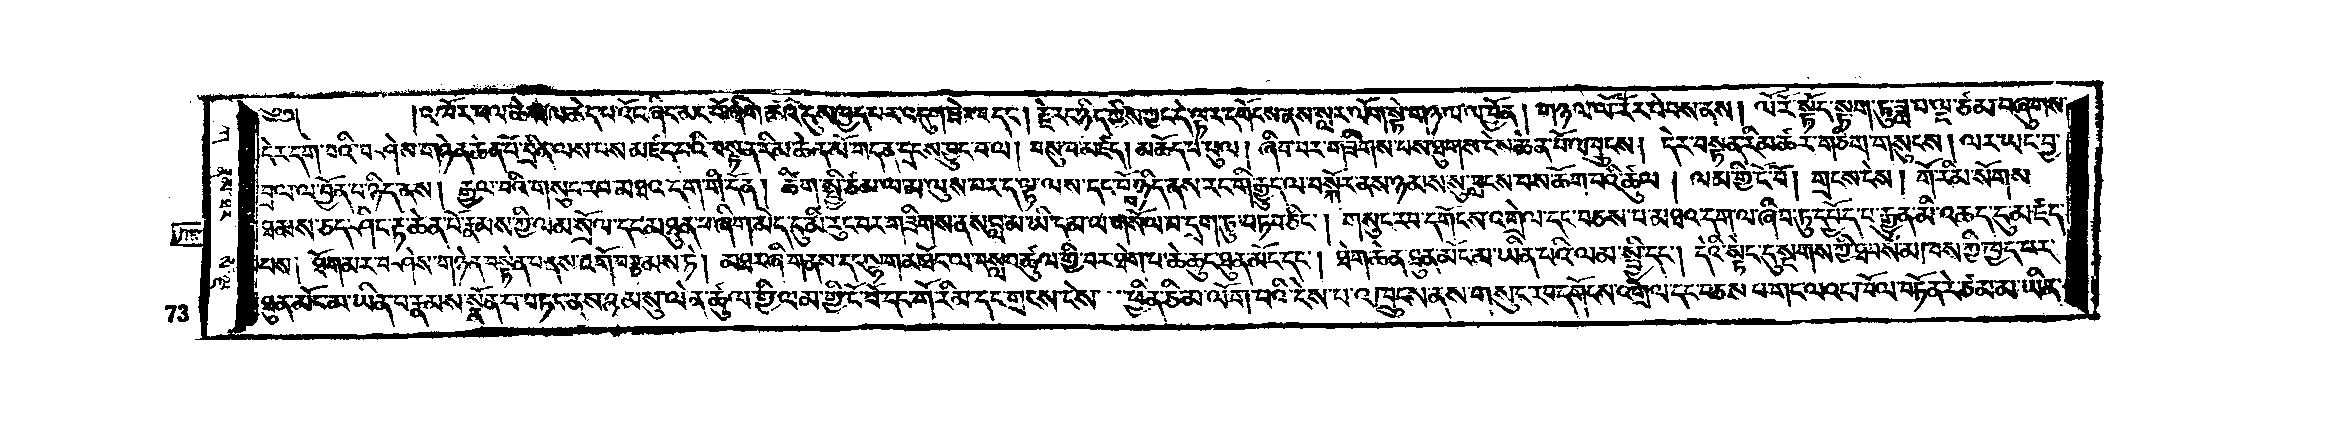༄༅། །འཁོར་ཕལ་ཆེས་ལ་ཆེད་པ་འོང་ཞིང་མང་པོ་ཞིག་ཚའི་དུས་ཁྱད་པར་འདུག་ཟེར་བ་དང་། རྗེ་རང་ཉིད་ཀྱིས་ཀྱང་དེ་ལྟར་དགོངས་ནས་སླར་ལོག་སྟེ་གཉལ་ལ་བྱོན། གཉལ་ལོ་རོར་བེབས་ནས། ལོ་རོ་སྟོད་སྟག་ཏུ་ཟླ་བ་ལྔ་ཙམ་བཞུགས་
དེར་དགེ་བའི་བཤེས་གཉེན་ཆེན་པོ་བྲིན་ལས་པས་མཛད་པའི་བསྟན་རིམ་ཆེན་མོ་གདན་དྲངས་བྱུང་བ་ལ། བསུ་བ་མཛད། མཆོད་པ་ཕུལ། ཞིབ་བར་གཟིགས་པས་ཐུགས་ངེས་ཆེན་པོ་འཁྲུངས། དེར་བསྟན་རིམ་ཚར་གཅིག་གསུངས། ལར་ཡང་བྱ་
བྲལ་ལ་བྱོན་པ་ཉིད་ནས། རྒྱལ་བའི་གསུང་རབ་མཐའ་དག་གི་དོན། ཚིག་སྤྱི་ཙམ་ལ་མ་ལུས་པར་ད་ལྟ་ལས་དང་པོས་ཉིད་ནས་རང་གི་རྒྱུད་ལ་བསྐོར་ནས་ཉམས་སུ་བླངས་པས་ཆོག་པའི་ཚུལ། ལམ་གྱི་ངོ་བོ། གྲངས་ངེས། གོ་རིམ་སོགས་
ཐམས་ཅད་ཤིང་རྟ་ཆེན་པོ་རྣམས་ཀྱི་ལམ་སྲོལ་དང་མཐུན་པ་ཞིག་མེད་དུ་མི་རུང་བར་གཟིགས་ནས་བླ་མ་ཡི་དམ་ལ་གསོལ་བ་དྲག་ཏུ་བཏབ་ཅིང་། གསུང་རབ་དགོངས་འགྲེལ་དང་བཅས་པ་མཐའ་དག་ལ་ཞིབ་ཏུ་དཔྱོད་པ་རྒྱུན་མི་འཆད་དུ་མཛད་
པས། ཐོག་མར་བཤེས་གཉེན་བསྟེན་པ་ནས་འགོ་བརྩམས་ཏེ། མཐར་ཞི་གནས་དང་ལྷག་མཐོང་ལ་བསླབ་ཚུལ་གྱི་བར་ཐེག་པ་ཆེ་ཆུང་ཐུན་མོང་དང་། ཐེག་ཆེན་ཐུན་མོང་མ་ཡིན་པའི་ལམ་སྤྱི་དང་། དེའི་སྟེང་དུ་སྔགས་ཀྱི་ཐབས་མཁས་ཀྱི་ཁྱད་པར་
ཐུན་མོང་མ་ཡིན་པ་རྣམས་སྣོན་པ་བཏང་ནས་ཉམས་སུ་ལེན་ཚུལ་གྱི་ལམ་གྱི་ངོ་བོ་དང་གོ་རིམ་དང་གྲངས་ངེས་ཕྱིན་ཅི་མ་ལོག་པའི་ངེས་པ་འཁྲུངས་ནས་གསུང་རབ་དགོངས་འགྲེལ་དང་བཅས་པ་གང་ལའང་ཁོལ་བཏོན་རེ་ཙམ་མ་ཡིན་